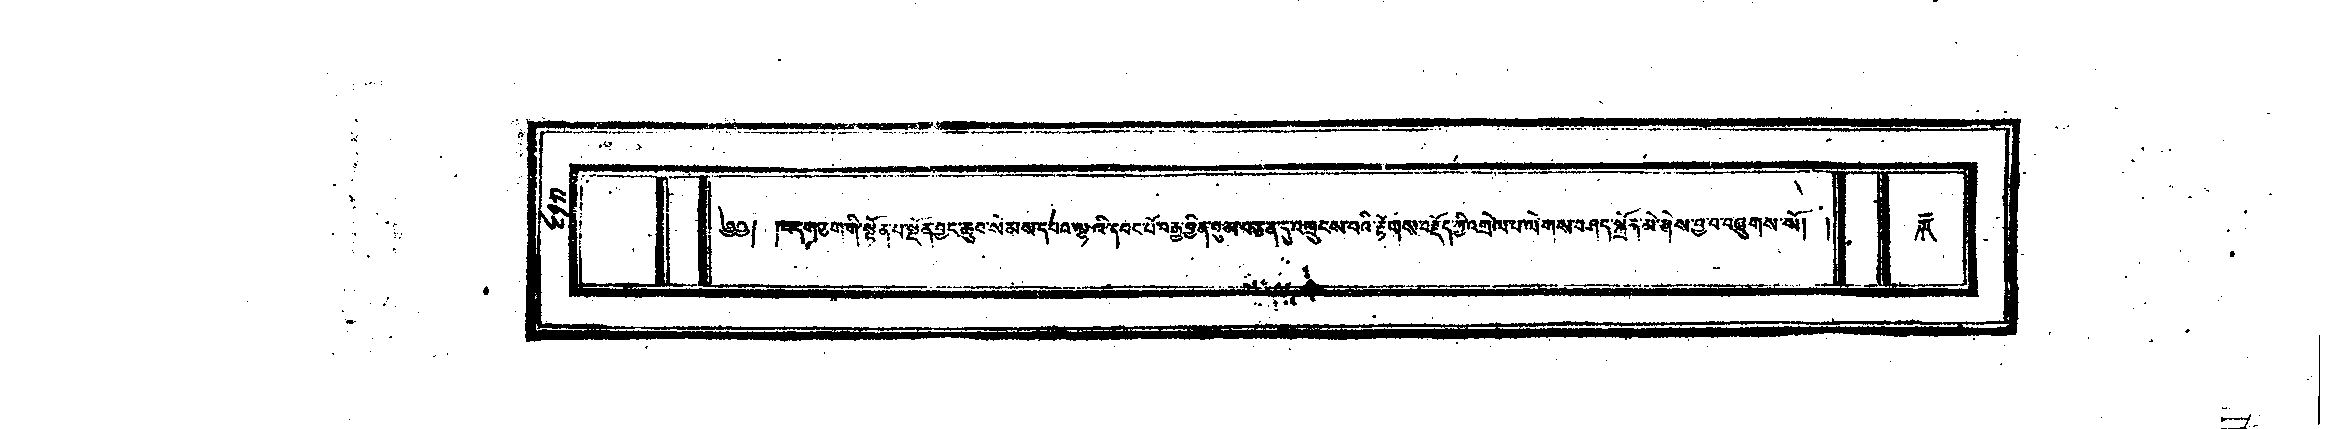༄༅། །བདག་ཅག་གི་སྟོན་པ་སྔོན་བྱང་ཆུབ་སེམས་དཔའ་ལྷའི་དབང་པོ་བརྒྱ་བྱིན་བུམ་པ་ཅན་དུ་འཁྲུངས་པའི་རྟོགས་བརྗོད་ཀྱི་འགྲེལ་པ་ལེགས་བཤད་སྒྲོན་མེ་ཞེས་བྱ་བ་བཞུགས་སོ། །།